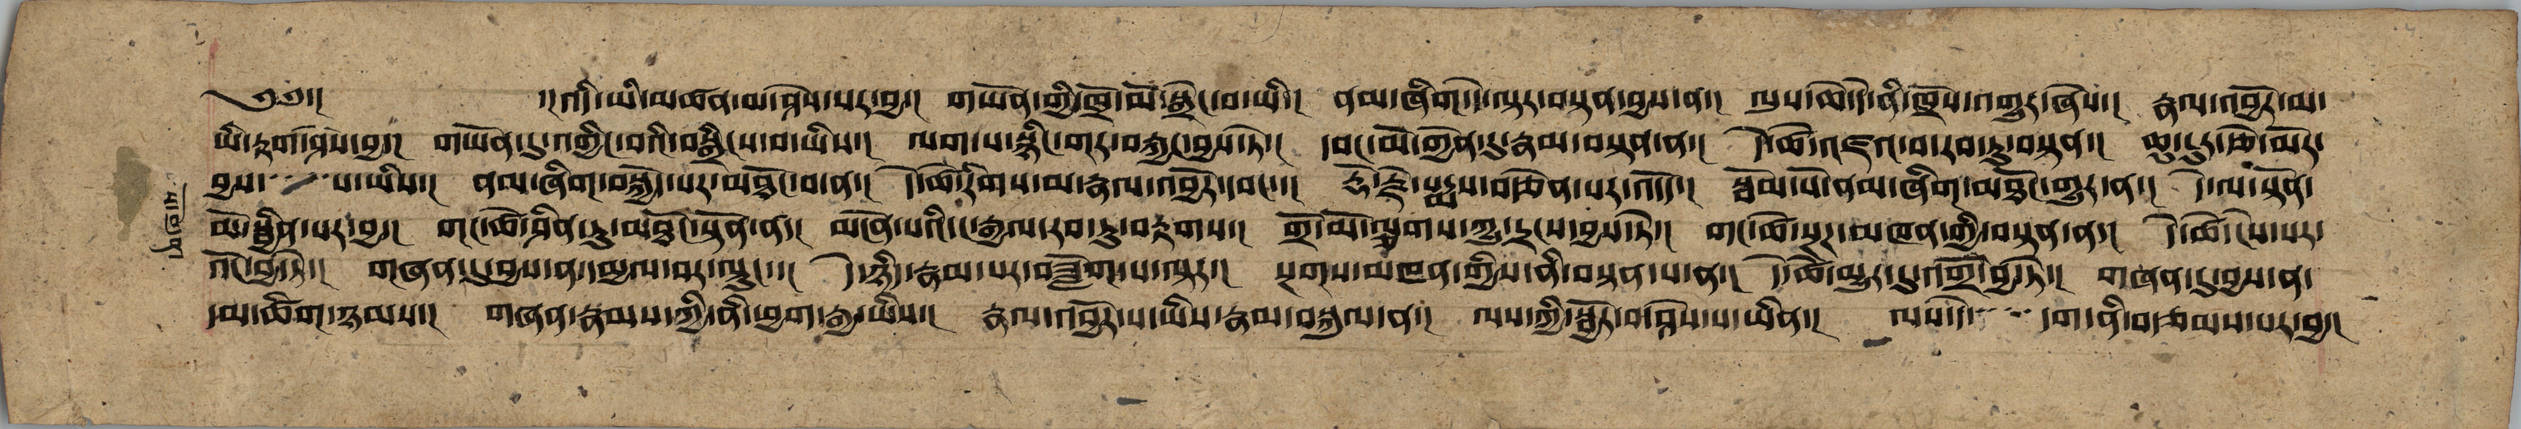༄༅་། ་།འདི་ཡི་མཚན་མ་ཤེས་པར་བྱ་། གཡོན་གྱི་ཁྲོ་མོ་སྒྲེང་བ་ཡི་། ནམ་ཞིག་དེ་ལྟར་བསྟན་བྱས་ན་། ལུས་ཆེ་དེ་ནི་ཁྲོས་འགྱུར་ཞེས་། རྣལ་འབྱོར་མ་
ཡི་རྟག་ཤེས་བྱ་། གཡོན་དུ་འགྱིང་བའི་བསྒྲིངས་བ་ཡིས་། ལག་པ་སྙིང་གར་བརྐྱང་བྱས་ཏེ་། དབང་མོ་གྱེན་དུ་རྣམ་བསྟན་ན་། དེ་ཚེ་འཛའ་བ་རབ་ཏུ་བསྟན་། ཆུ་ངུར་རྩེ་མོར་
བྱས་ པ་ཡིས་། ནམ་ཞིག་བསྐྱོད་པར་མཐོང་བ་ན་། དེ་ཚེ་རིགས་མ་རྣལ་འབྱོར་དབང་་། རྡོ་རྗེ་པདྨས་བརྩེན་པར་འདོད་། སྦོམ་པོ་ནམ་ཞིག་མཐོང་གྱུར་ན་། དེ་ལ་སྟོན་
མོ་སྦྱིན་པར་བྱ་། གང་ཚེ་ཤིན་ཏུ་མཐོང་སྟོན་ན་། མངོན་པའི་ང་རྒྱལ་རབ་ཏུ་བརྟགས་། གྲོ་མོ་ལྕགས་ཀྱུ་དྲངས་བྱས་ཏེ་། གང་ཚེ་སྔཌ་མཁན་གྱི་བསྟན་ན་། དེ་ཚེ་ངེས་པར་
འོང་བྱ་ཏེ་། གཞན་དུ་བྱས་ན་དམྱལ་བར་ལྟུང་་། དེ་ཉིད་རྣམ་པར་བཟློག་པ་ལྟར་། སྔགས་མཁན་གྱིས་ནི་བསྟན་པ་ན་། དེ་ཚེ་མྱུར་དུ་འགྲོ་བྱ་ཏེ་། གཞན་དུ་བྱས་ན་
དམ་ཚིག་ཉམས་། གཞན་རྣམས་ཀྱི་ནི་ཕྱག་རྒྱ་ཡིས་། རྣལ་འབྱོར་པ་ཡིས་རྣམ་བསྐུལ་ན་། ལས་ཀྱི་སྦྱོར་བ་ཤེས་པ་ཡིན་། ལས་དེ་ དག་ནི་བརྩམས་པར་བྱ་།